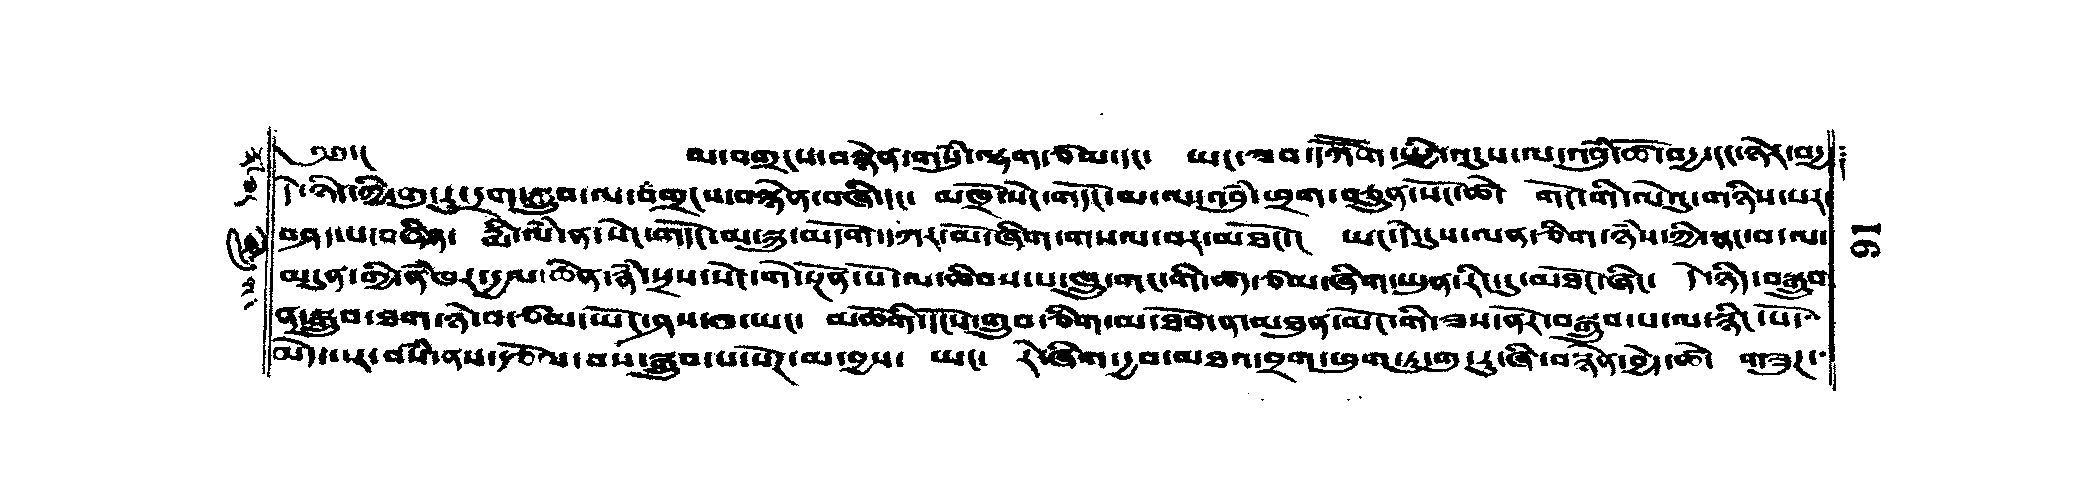ལ་གྲངས་བསྙེན་གསུམ་ལྷག་ཙམ་དང་། ཡང་ཟབ་དཀོན་མཆོག་སྤྱི་འདུས་ལ་འབུམ་ཚོ་བརྒྱ་དང་ཉེར་བརྒྱད། 
དེ་ཉིད་ཀྱི་གུ་རུ་དྲག་སྒྲུབ་ལ་གྲངས་བསྙེན་བཞི་དང་། མཁའ་འགྲོ་སེང་གདོང་མ་ལ་འབུམ་ཕྲག་བཅུ་བདུན་སོང་ཚེ། གོང་གི་ལེའུ་གཉིས་པར་
བཤད་པ་བཞིན། རྨི་ལམ་ན་སེང་གདོང་མ་སྐུ་མདོག་དཀར་མོ་ཞིག་གསལ་བར་མཐོང་ངོ་། ཡང་དེ་དུས་ལན་ཞིག་ཉམས་ཀྱི་སྣང་བ་ལ་
མདུན་གྱི་ནམ་མཁར་རྒྱལ་ཆེན་རྣམ་སྲས་སེང་གེ་སྔོན་པོ་ལ་ཆིབས་པ་ཁྲུ་གང་གི་ཚད་ཙམ་ཞིག་ཡུན་རིང་དུ་མཐོང་ཞིང་། དེ་ཉིད་བསྒྲུབས་
ན་སྒྲུབ་ཐག་ཉེ་བ་ཙམ་ཡོང་ཤས་ཁ་ཡང་། མཆོག་གི་དངོས་གྲུབ་གཅིག་མ་ཐོབ་ན་ཐུན་མོང་གི་ཟས་ནོར་བསྒྲུབ་པ་ལ་སྙིང་པོ་
མེད་པར་བསམ་ནས་རྩོལ་བས་སྒྲུབ་པ་སོགས་མ་བྱས། ཡང་། རེ་ཞིག་རྒྱབ་མཐའ་བྲག་ཕུག་ཏུ་གུ་རུ་ཞི་བསྙེན་བྱེད་ཚེ་གཟུགས་